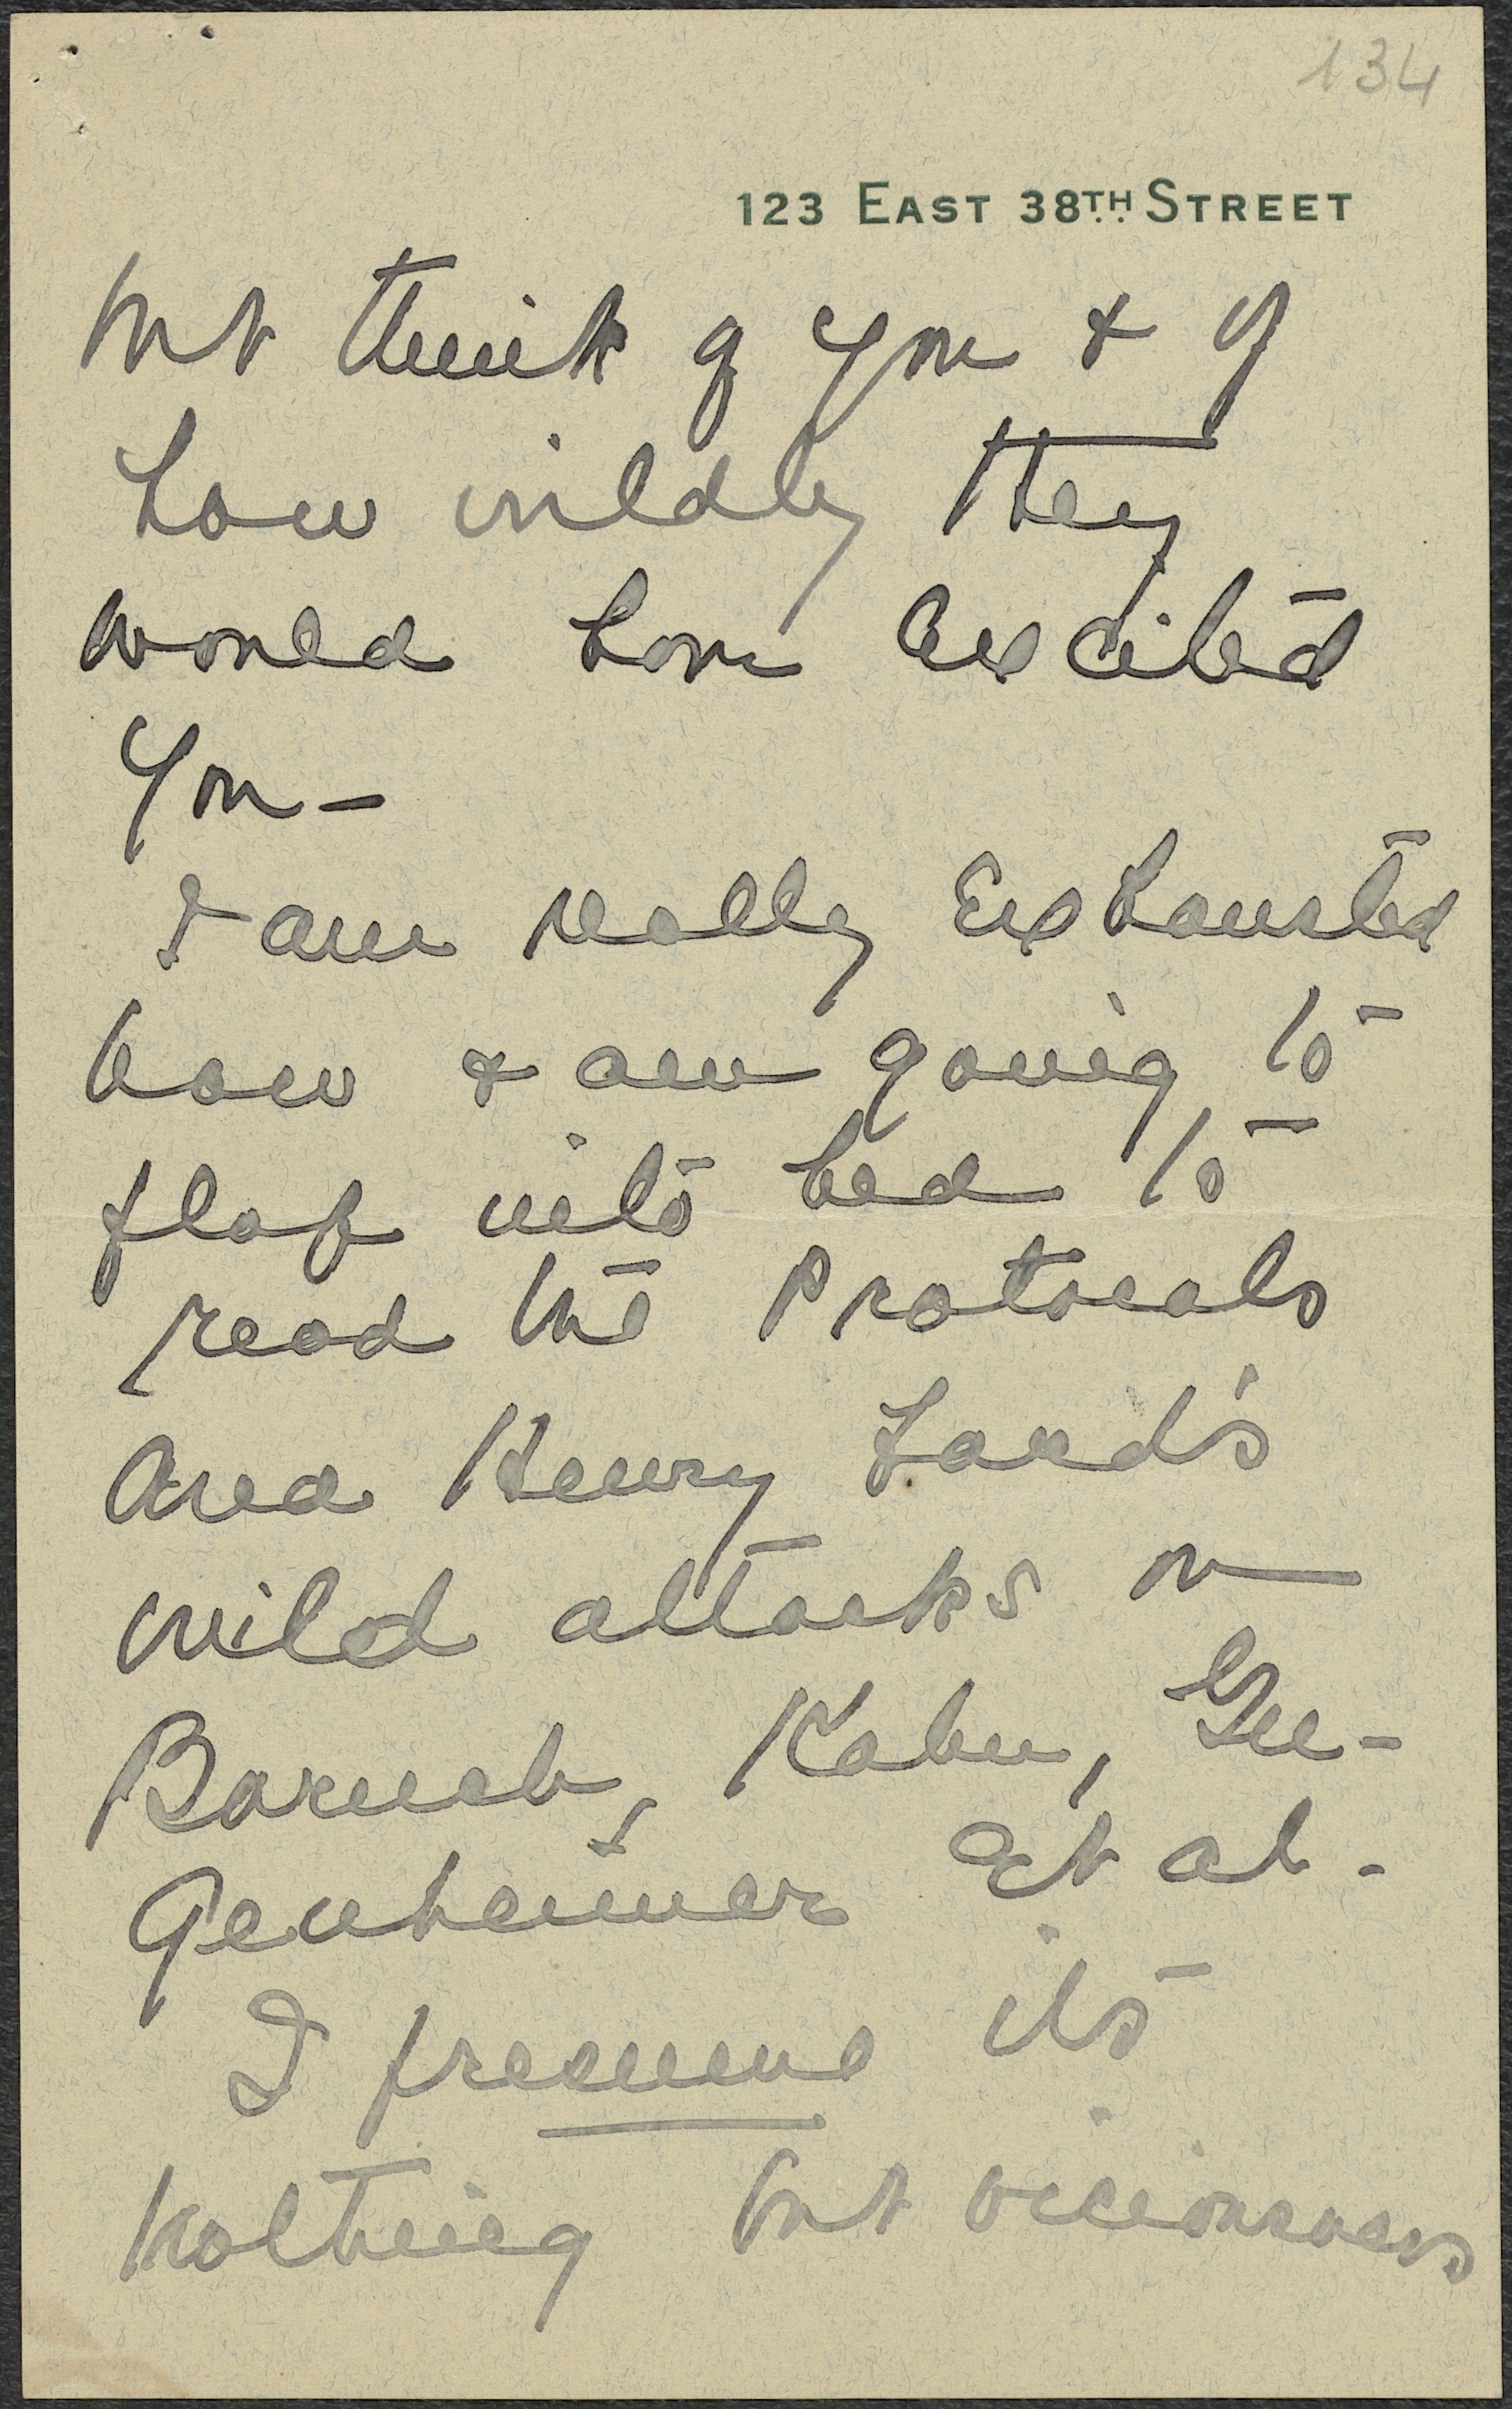but think of you & of how wildly they would have excited you –
I am really exhausted now & am going to plop into bed to read the Protocols and Henry Ford's wild attacks on Baruch, Kahn, Gec [sic] Gersheimer et al –
I presume it's nothing but viciousness